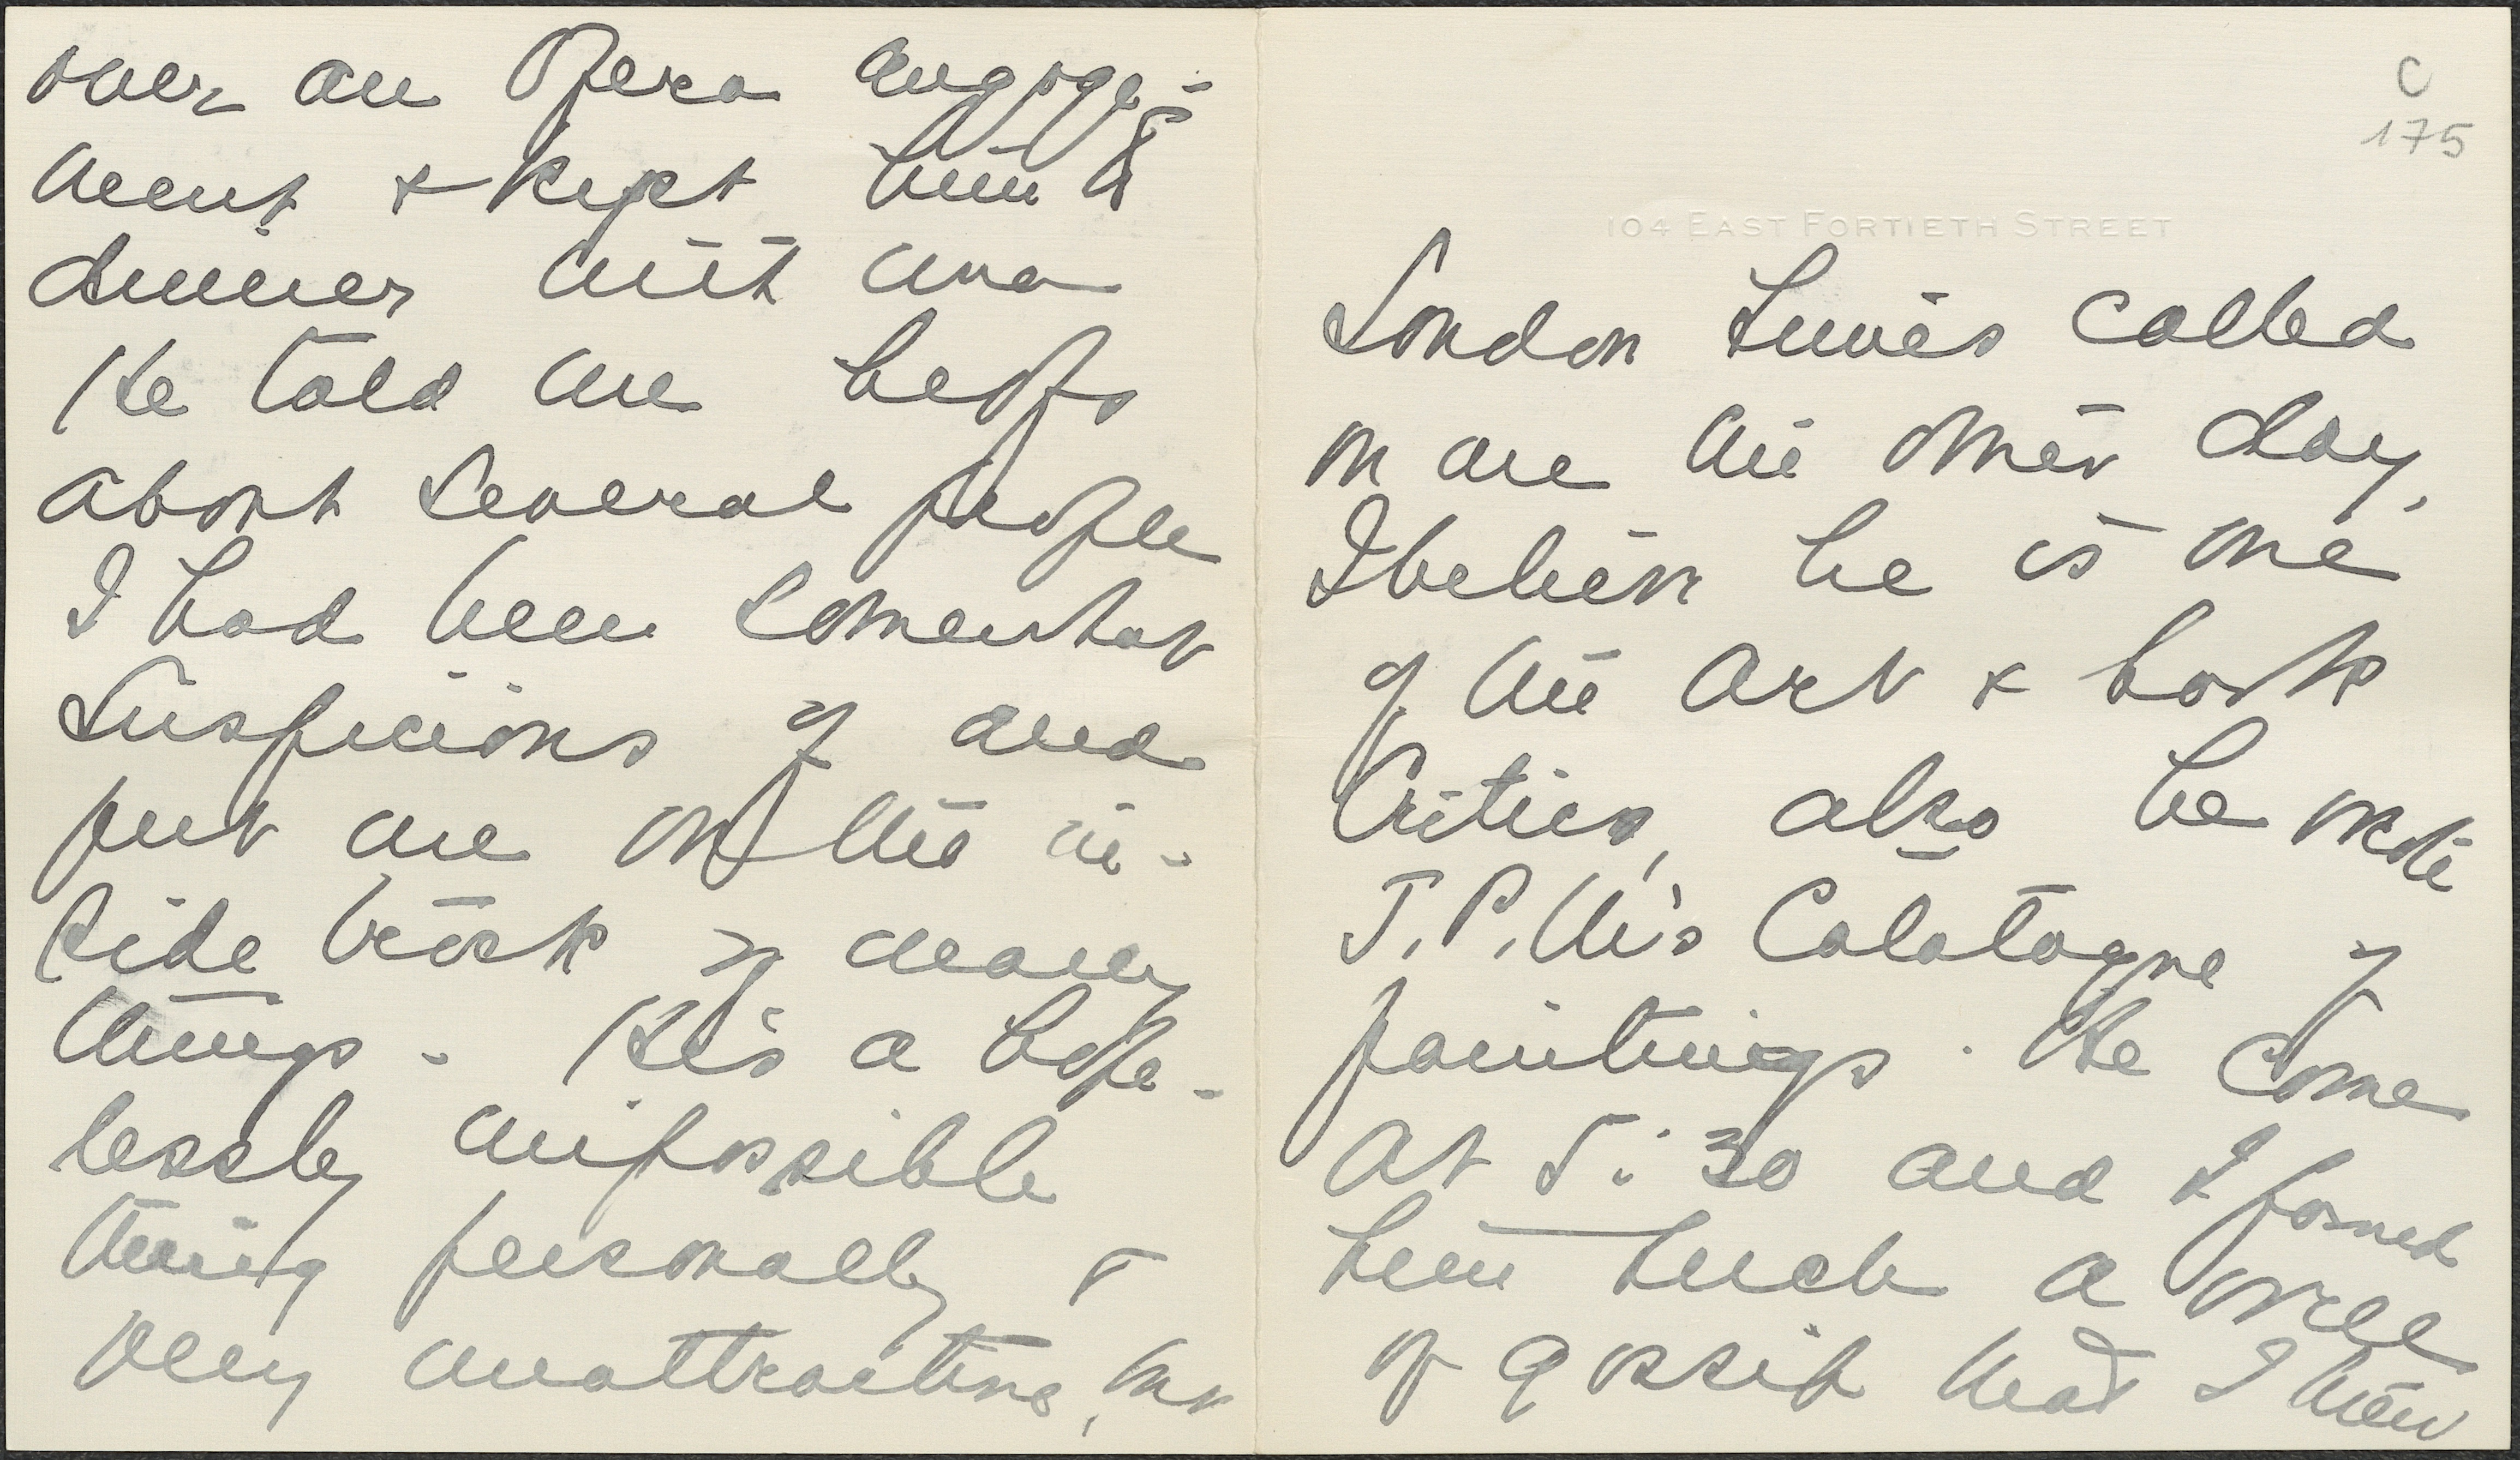London Times called on all on me the other day, I believe he is one of the art & book critics, also he wrote J. P. M.s catalogue of paintings. He came at 5:30 and I found him such a well of gossip that I threw
over an opera engagement & kept him to dinner with me – He told me heaps about several people I had been somewhat suspicious of and put me on the inside track of many things – He’s a hopelessly impossible thing personally & very unattractive, but